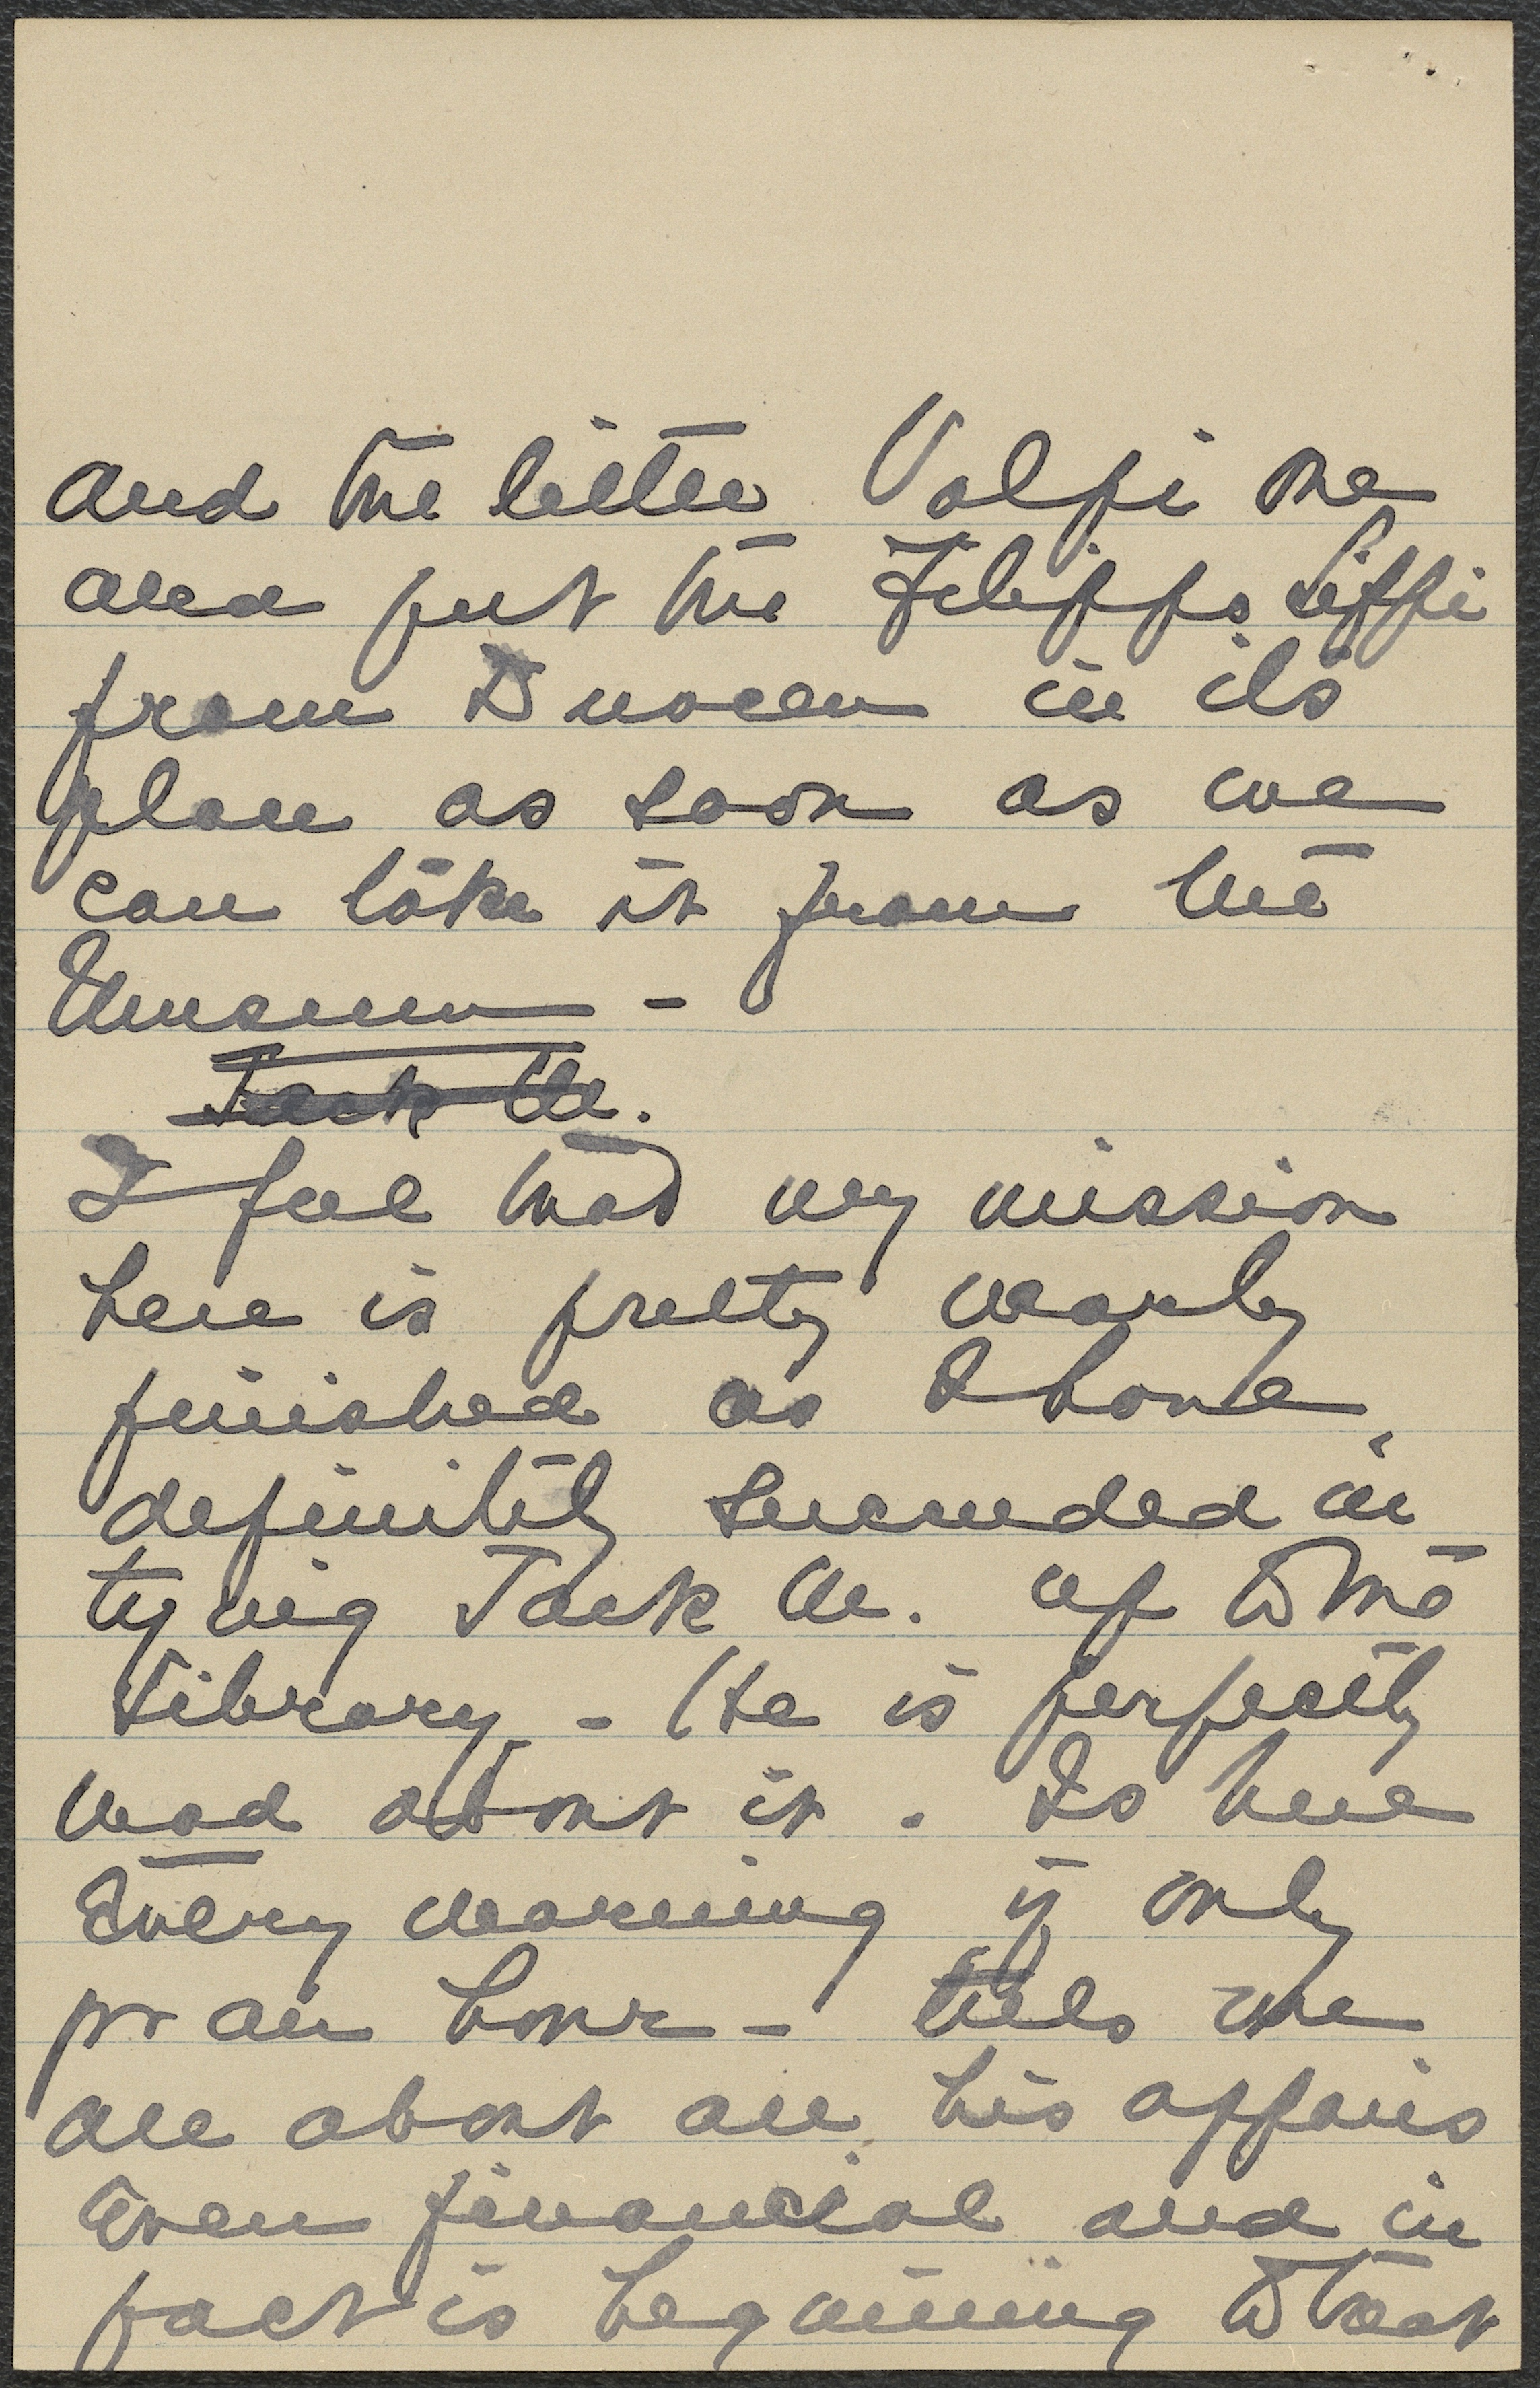and the little Volpi one and put the Filippo Lippi from Duveen in its place as soon as we can take it from the Museum –
Jack M.
I feel that my mission here is pretty nearly finished as I have definitely succeeded in tying Jack M. up to the Library – He is perfectly mad about it. Is here every morning if only for an hour – tells me all about all his affairs even financial and in fact is beginning to treat